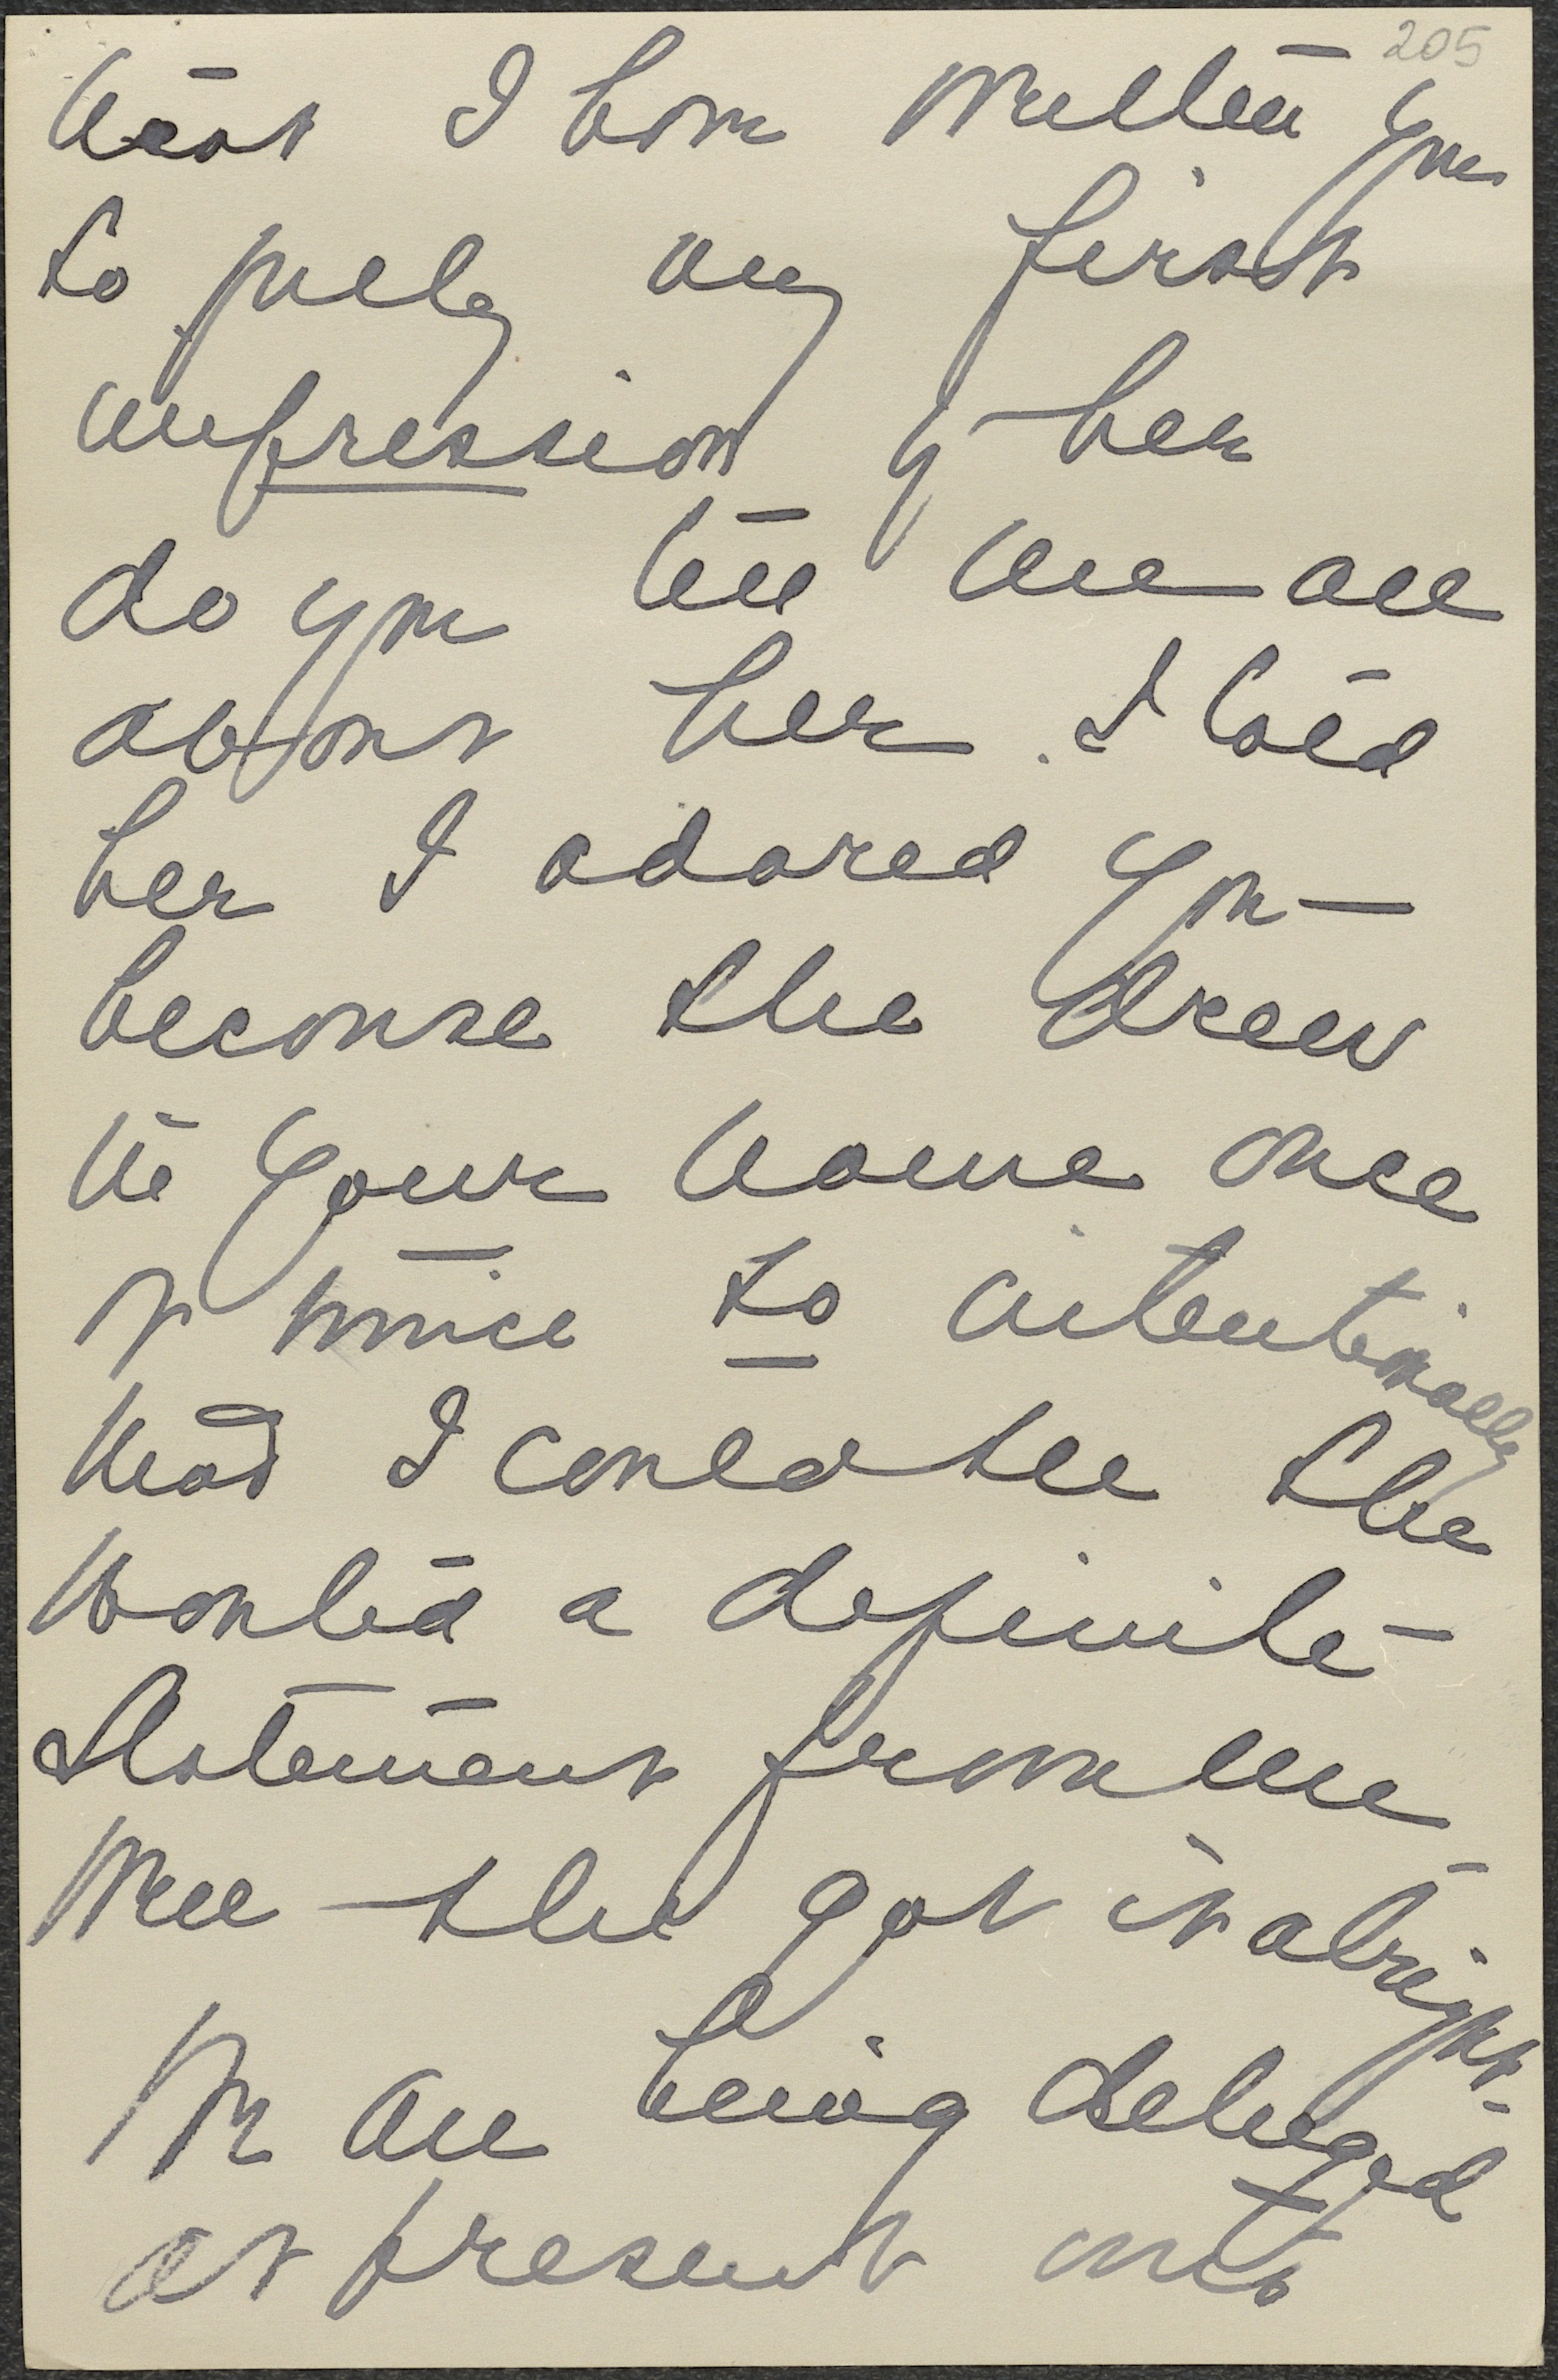that I have written you so fully my first impression of her do you tell me all about her. I told her I adored you – because she drew in your name once or twice so intentionally that I could see she wanted a definite statement from me – well she got it alright. We are being deluged at present with